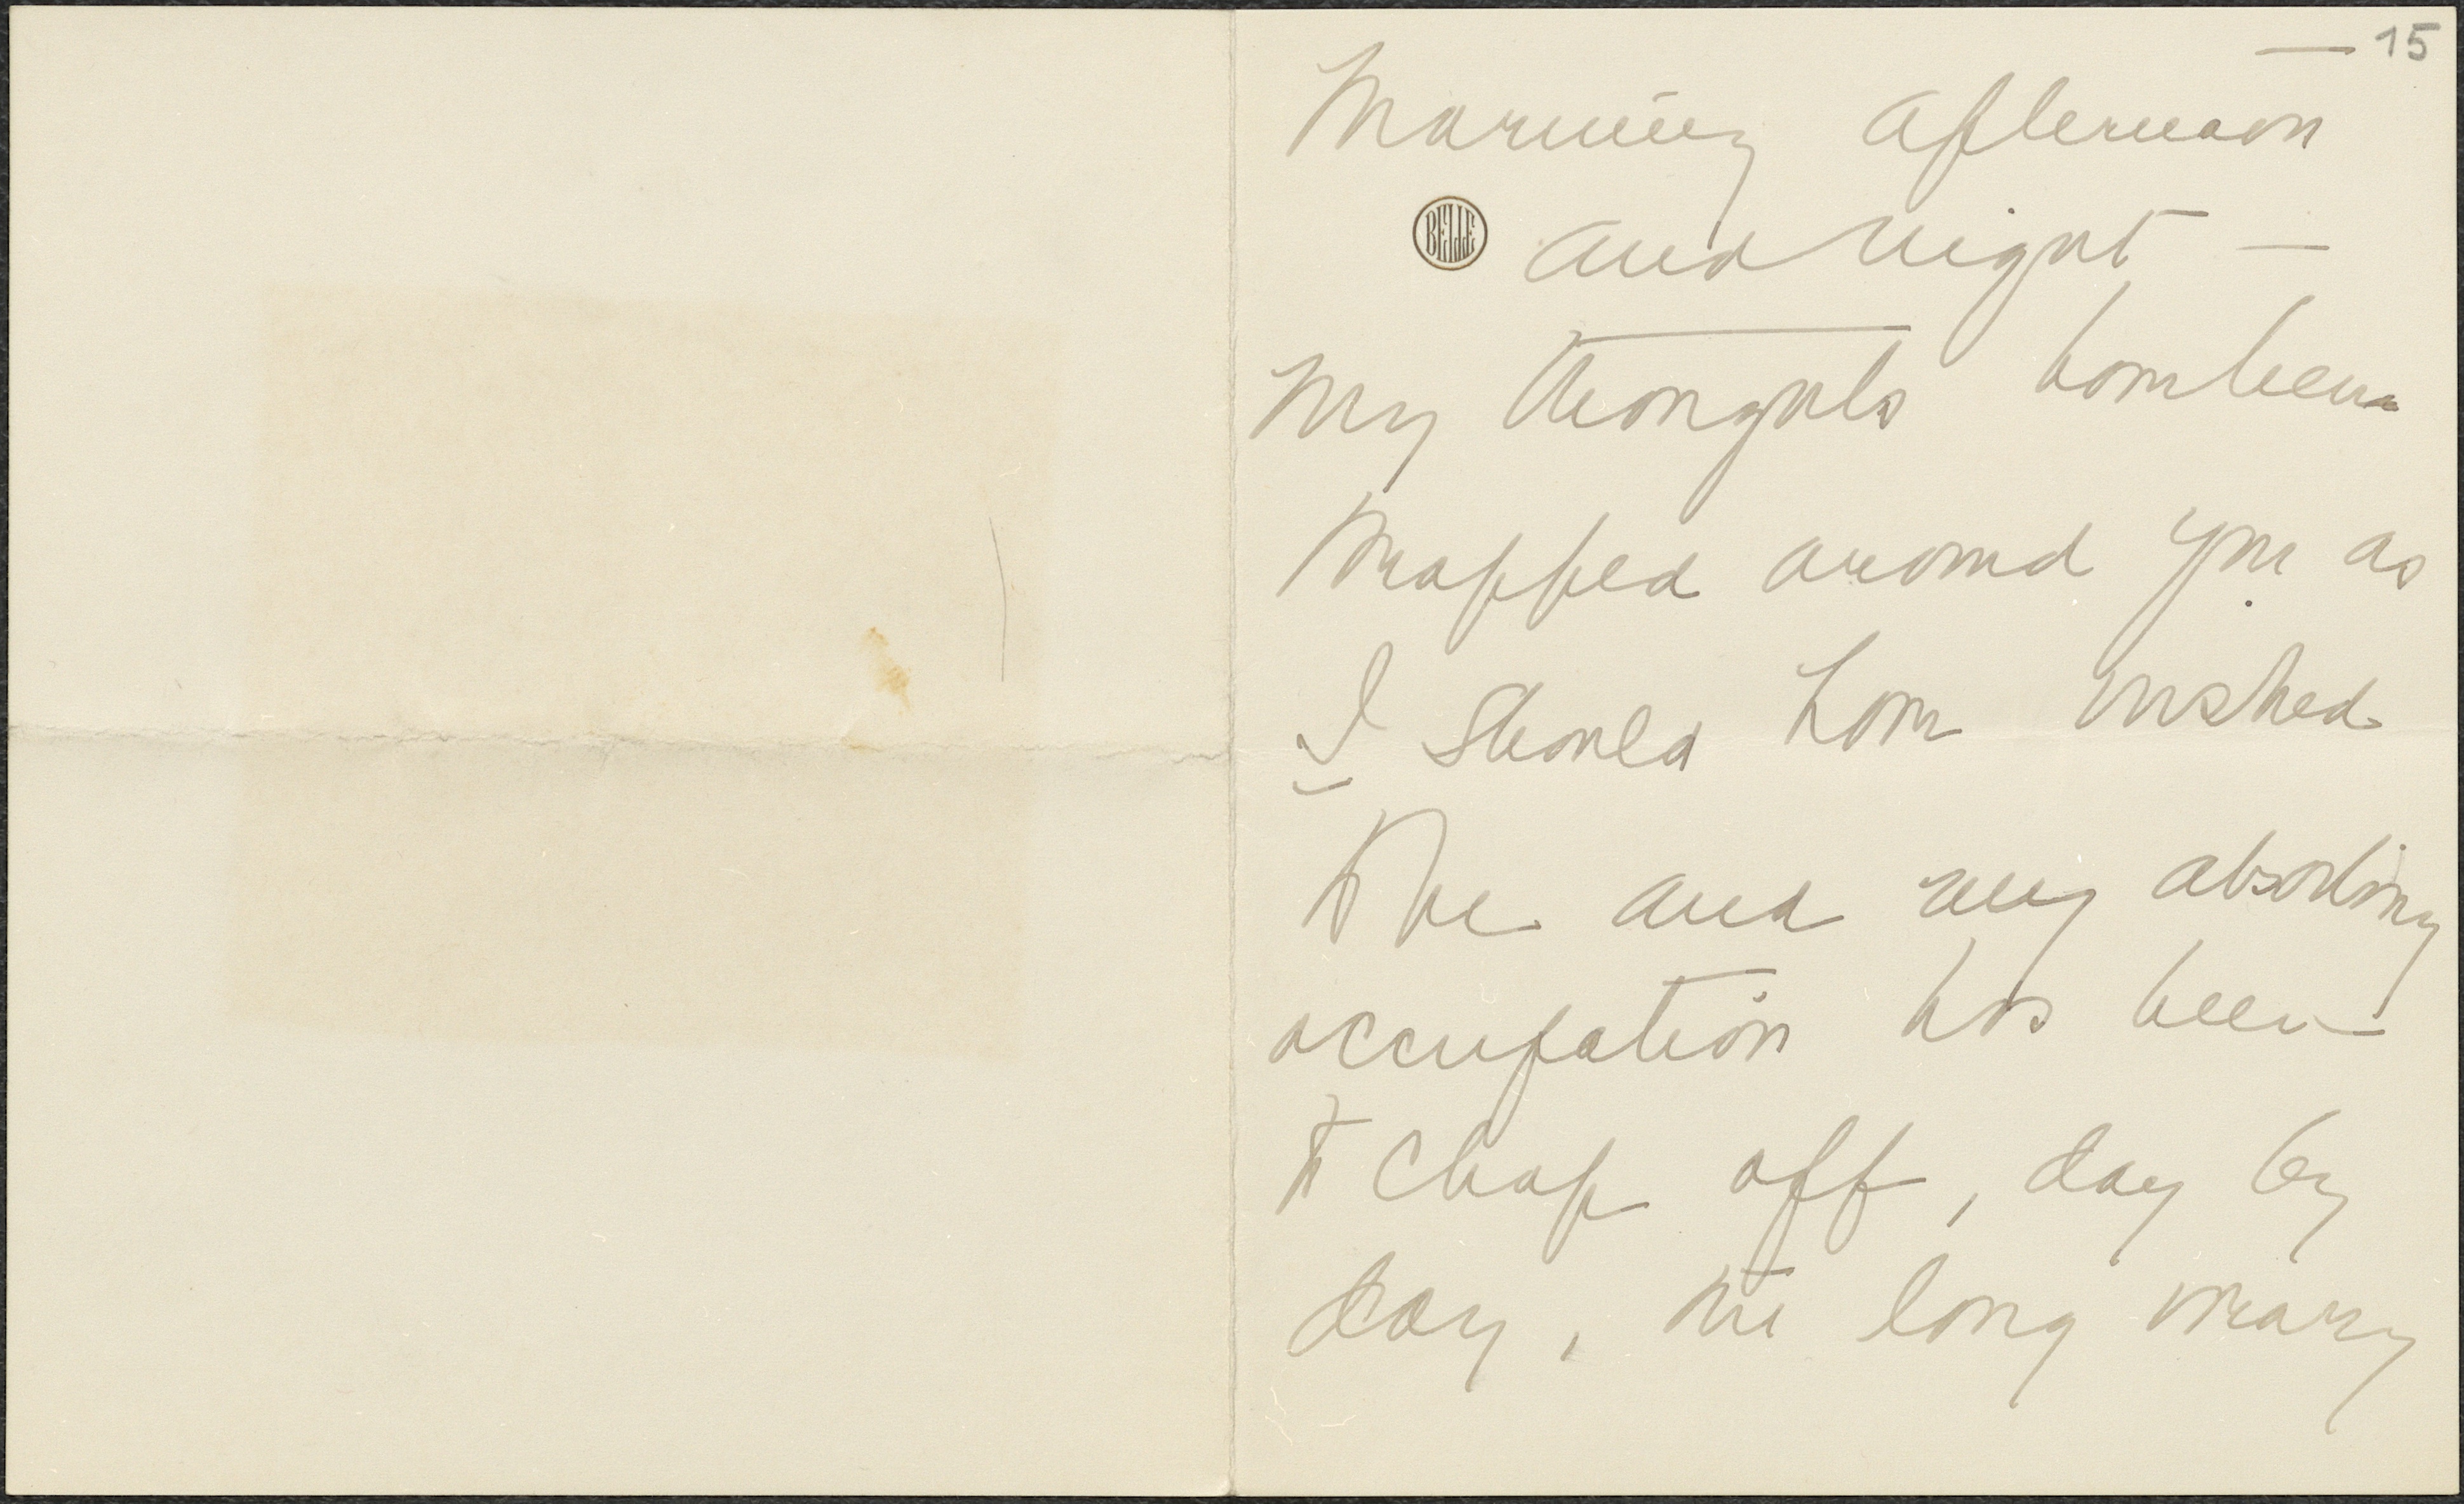morning afternoon and night – my thoughts have been wrapped around you as I should have wished to be and my absorbing occupation has been to chop off, day by day, the long weary